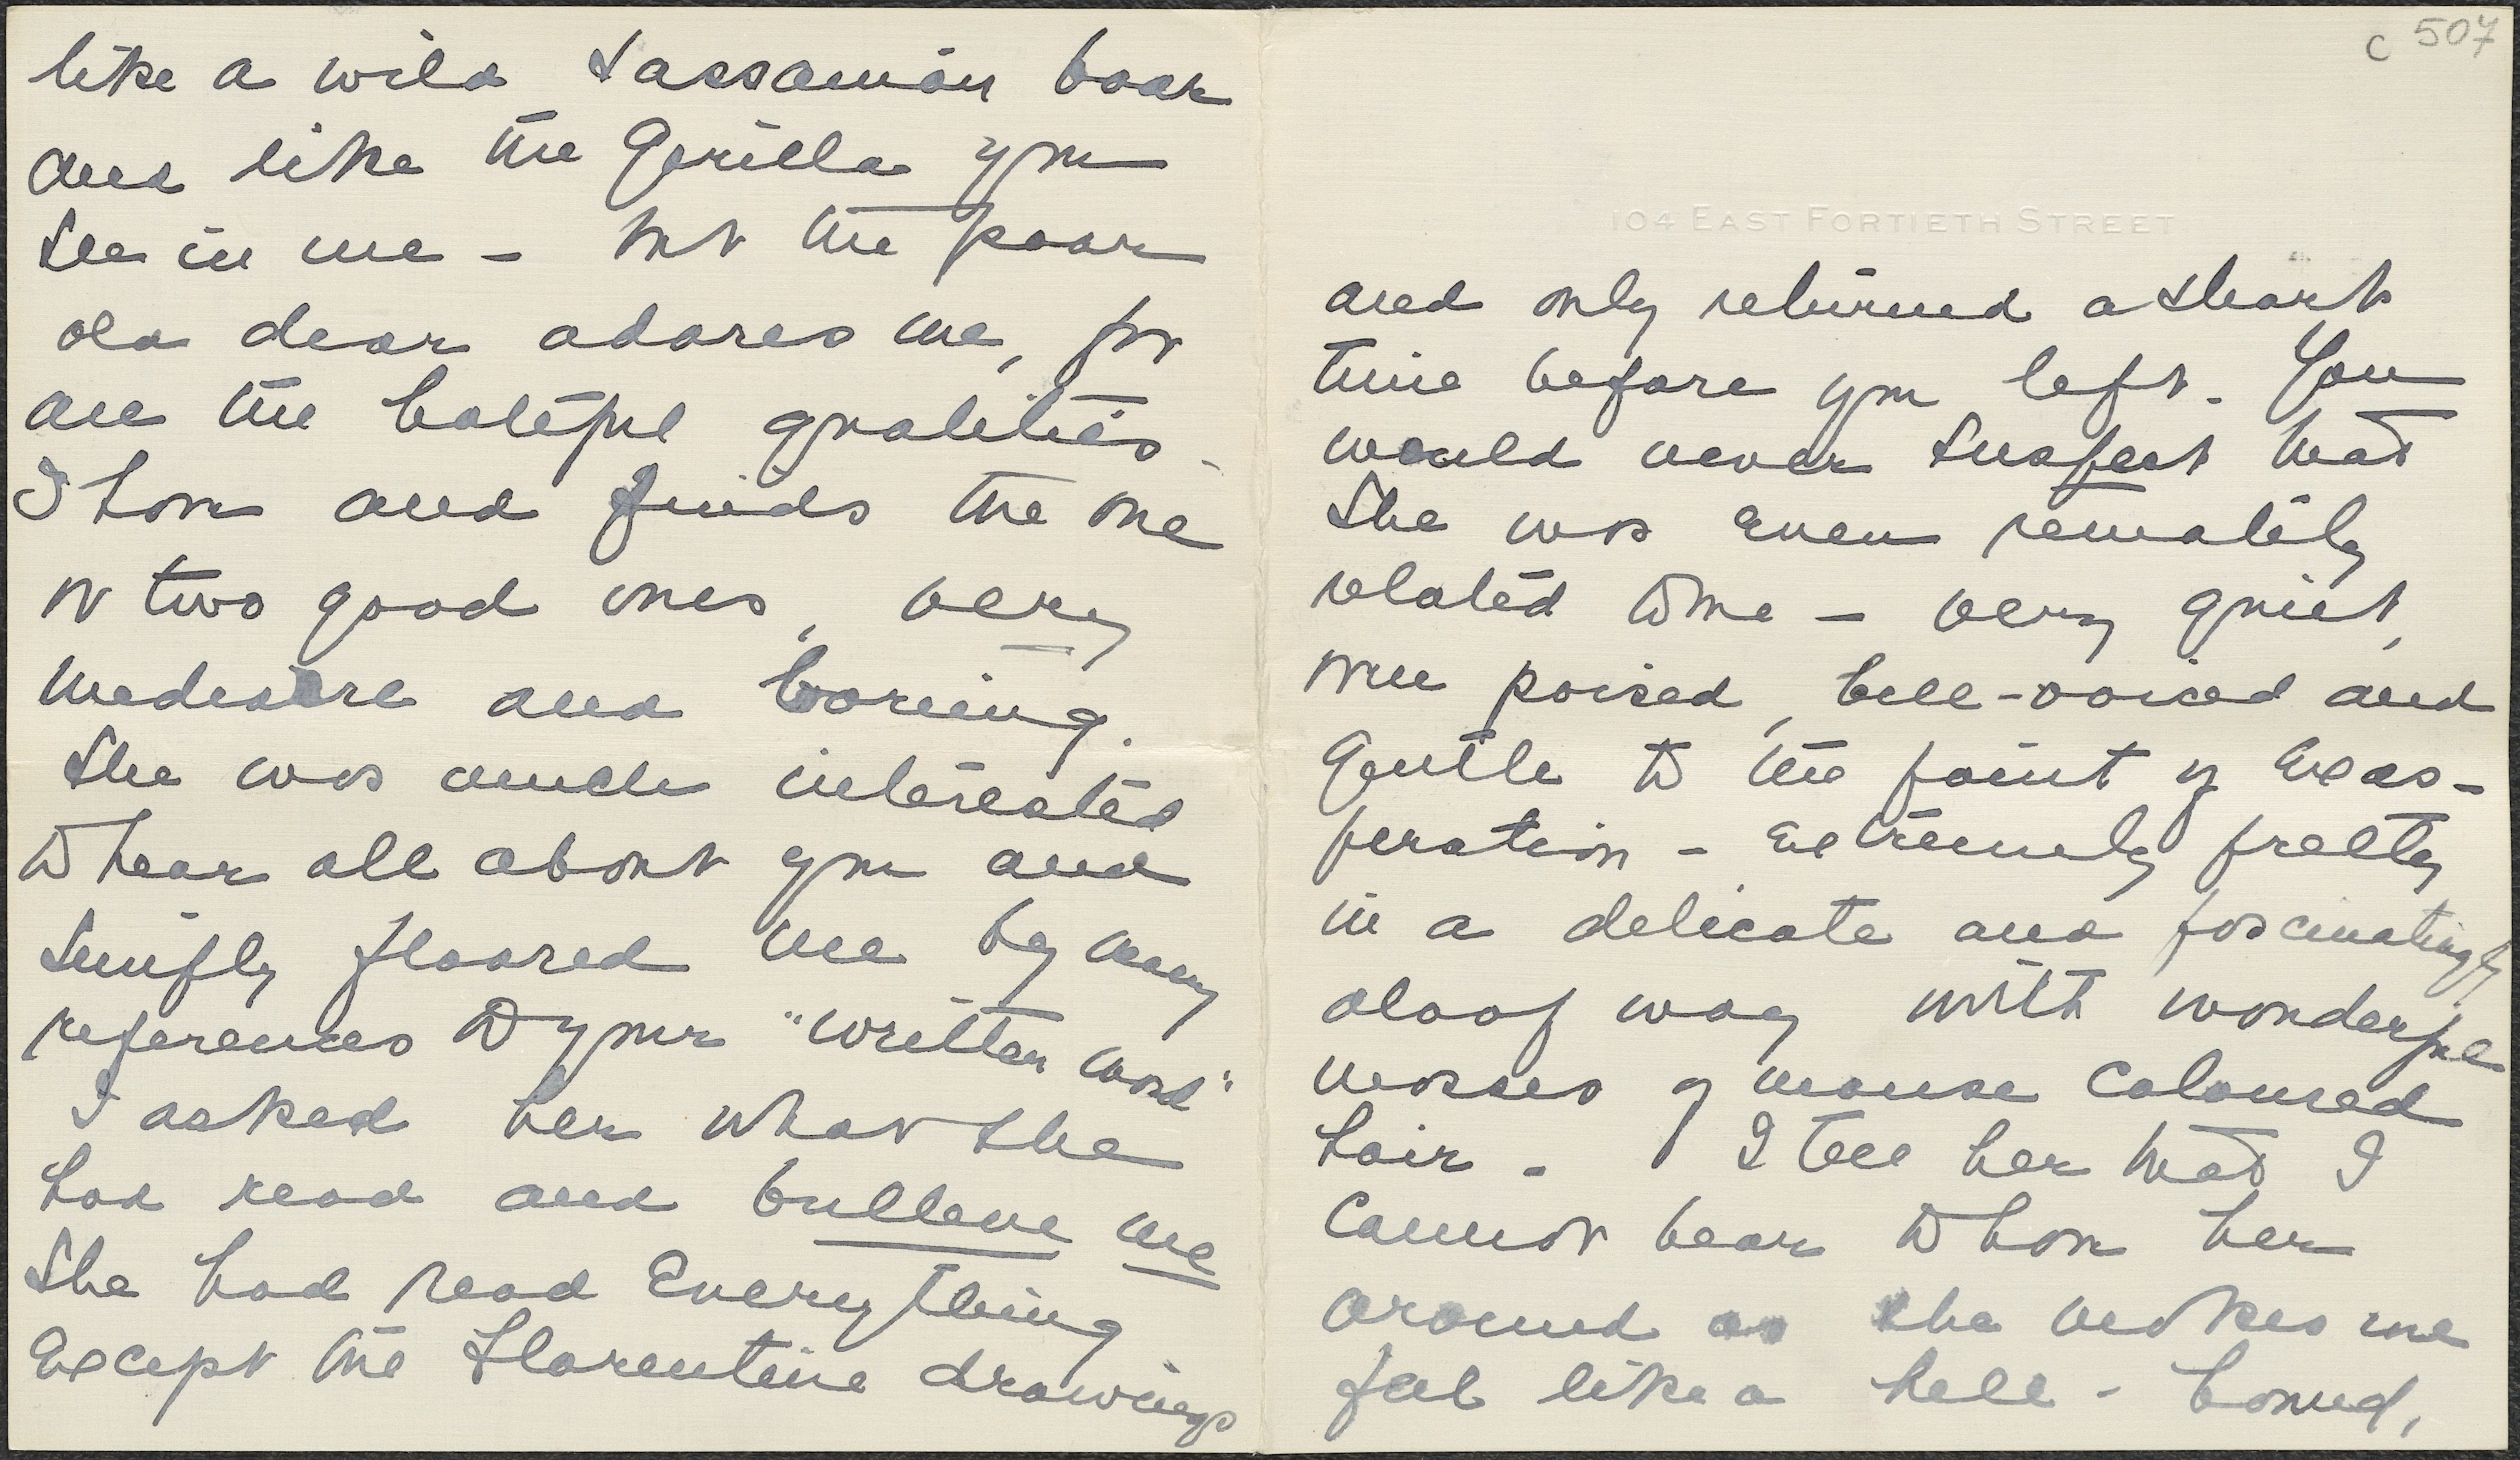and only returned a short time before you left. You would never suspect that she was even remotely related to me – very quiet, more poised, bell-voiced and gentle to the point of exasperation – extremely pretty in a delicate and fascinatingly aloof way with wonderful mosses of mouse colored hair – I tell her that I cannot bear to have her around as she makes me feel like a hell-hound,
like a wild Sassanian boar and like the gorilla you see in me – but the poor old dear adores me, for all the hateful qualities I have and finds the one or two good ones, very mediocre and boring. She was much interested to hear all about you and simply floored me by many references to your “written word”
I asked her what she had read and bulleve me she had read everything except the Florentine drawings